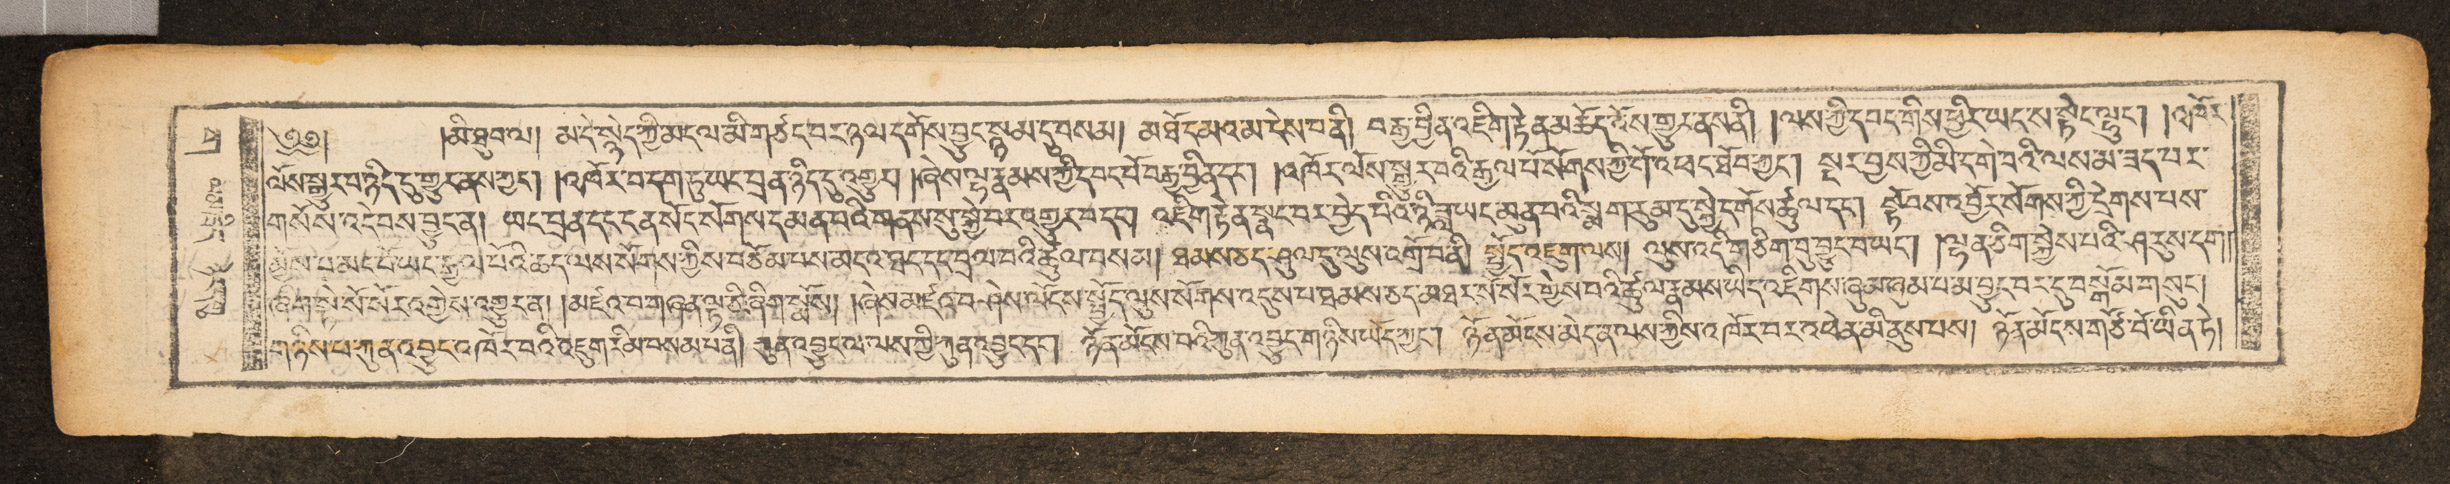༄༅། །མི་ཐུབ་ལ། མ་དེ་སྙེད་ཀྱི་མངལ་མི་གཙང་བར་ཉལ་དགོས་བྱུང་སྙམ་དུ་བསམ། མཐོ་དམའ་མ་ངེས་པ་ནི། བརྒྱ་བྱིན་འཇིག་རྟེན་མཆོད་འོས་གྱུར་ནས་ནི། །ལས་ཀྱི་དབང་གིས་ཕྱིར་ཡང་ས་སྟེང་ལྷུང་། །འཁོར་
ལོས་སྒྱུར་བ་ཉིད་དུ་གྱུར་ནས་ཀྱང་། །འཁོར་བ་དག་ཏུ་ཡང་བྲན་ཉིད་དུ་འགྱུར། །ཞེས་ལྷ་རྣམས་ཀྱི་དབང་པོ་བརྒྱ་བྱིན་དང་། །འཁོར་ལོས་སྒྱུར་བའི་རྒྱལ་པོ་སོགས་ཀྱི་གོ་འཕང་ཐོབ་ཀྱང་། སྔར་བྱས་ཀྱི་མི་དགེ་བའི་ལས་མ་ཟད་པར་
གསོས་འདེབས་བྱུང་ན། ཡང་ཕྲན་དང་ངན་སོང་སོགས་དམན་བའི་གནས་སུ་སྐྱེ་བར་འགྱུར་བ་དང་། འཇིག་རྟེན་སྣང་བར་བྱེད་པའི་ཉི་ཟླ་ཡང་མུན་པའི་སྨག་རུམ་དུ་སྐྱེ་དགོས་ཚུལ་དང་། སྟོབས་འབྱོར་སོགས་ཀྱི་དྲེགས་པས་
མྱོས་པ་མང་པོ་ཡང་རྒྱལ་པོའི་ཆད་ལས་སོགས་ཀྱིས་བཅོམ་པས་མངའ་ཐང་དང་བྲལ་བའི་ཚུལ་བསམ། ཐམས་ཅད་ཤུལ་དུ་ལུས་འགྲོ་བ་ནི། སྤྱོད་འཇུག་ལས། ལུས་འདི་གཅིག་པུ་བྱུང་བ་ཡང་། །ལྷན་ཅིག་སྐྱེས་པའི་ཤ་རུས་དག།
ཞིག་སྟེ་སོ་སོར་འགྱེས་འགྱུར་ན། །མཛའ་བ་གཞན་ལྟ་ཅི་ཞིག་སྨོས། །ཞེས་མཛའ་བཤེས་ལོངས་སྤྱོད་ལུས་སོགས་འདུས་པ་ཐམས་ཅད་མཐར་སོ་སོར་གྱིས་པའི་ཚུལ་རྣམས་ཡིད་འཇིགས་ཞུམ་ཞུམ་པ་མ་བྱུང་བར་དུ་བསྒོམ་གསུང་།
གཉིས་པ་ཀུན་འབྱུང་འཁོར་བའི་འཇུག་རིམ་བསམ་པ་ནི། ཀུན་འབྱུང་ལ་ལས་ཀྱི་ཀུན་འབྱུང་དང་། ཉོན་མོངས་པའི་ཀུན་འབྱུང་གཉིས་ཡོད་ཀྱང་། ཉོན་མོངས་མེད་ན་ལས་ཀྱིས་འཁོར་བར་འཕེན་མི་ནུས་པས། ཉོན་མོངས་གཙོ་བོ་ཡིན་ཏེ།